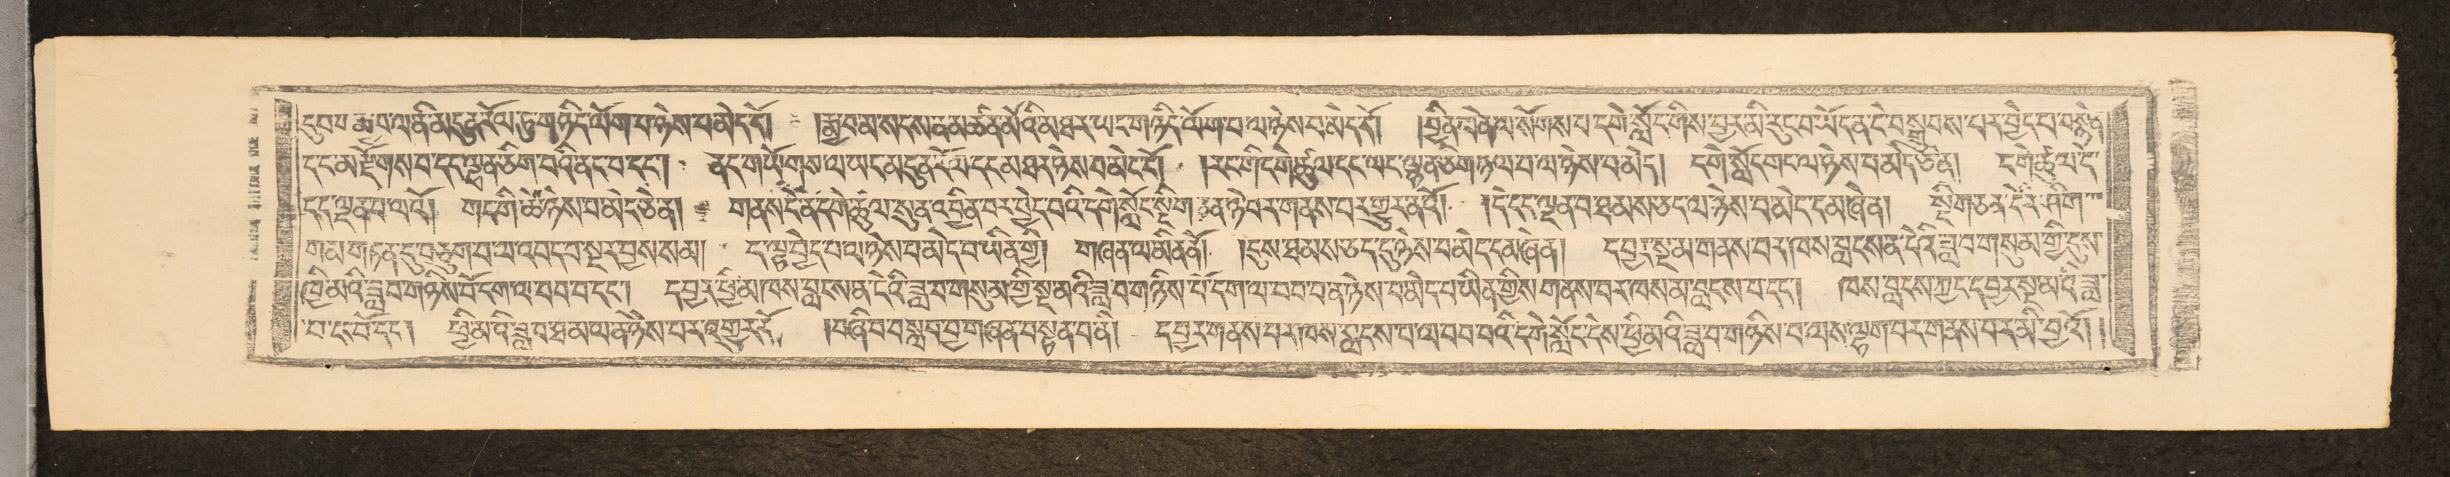དུབ་པ་རྨྱ་བ་ལ་ནི་མདུན་རོལ་ཏུ་གཉིད་ལོག་པ་ཉེས་བ་མེད་དོ། །རྨྱ་བ་མ་སངས་ན་མཚན་མོའི་མཐར་ཡང་གཉིད་ལོག་བ་ལ་ཉེས་པ་མེད་དོ། །བྱིན་ལེན་ལ་སོགས་པ་དགེ་སློང་གིས་བྱར་མི་རུང་བ་ཡོད་ན་དེ་བསྒྲུབས་པར་བྱེད་པ་བསྙེན་
བར་མ་རྫོགས་པ་དང་ལྷན་ཅིག་བའི་ནད་པ་དང་། ནད་གཡོགས་ལ་ཡང་མདུན་རོལ་དང་མཐར་ཉེས་པ་མེད་དོ། །རང་གི་དགེ་ཚུལ་དང་ཡང་ལྷན་ཅིག་ཉལ་བ་ལ་ཉེས་པ་མེད། དགེ་སློང་གང་ལ་ཉེས་པ་མེད་ཅེ་ན། དགེ་ཚུལ་དེ་
དང་ལྡན་པ་ལའོ། གང་གི་ཚེ་ཉེས་བ་མེད་ཅེ་ན། གནས་དེ་ན་དགེ་ཚུལ་སུན་འབྱིན་པར་བྱེད་པའི་དགེ་སློང་སྡིག་ཅན་ཉེ་བར་གནས་པར་གྱུར་ནའོ། །དེ་དང་ལྡན་པ་ཐམས་ཅད་ལ་ཉེས་པ་མེད་དམ་ཞེ་ན། སྡིག་ཅན་དེ་རེ་ཤིག་
གམ་གཏན་དུ་བཅུག་པ་ལ་འབད་པ་སྔར་བྱས་སམ། ད་ལྟ་བྱེད་པ་ལ་ཉེས་པ་མེད་པ་ཡིན་གྱི། གཞན་ལ་མིན་ནོ། །དུས་ཐམས་ཅད་དུ་ཉེས་པ་མེད་དམ་ཞེ་ན། དབྱར་སྔ་མ་གནས་པར་ཁས་བླངས་ན་དེའི་ཟླ་བ་གསུམ་གྱི་དུས་
ཕྱི་མའི་ཟླ་བ་གཉིས་པོ་དག་ལ་བབ་པ་དང་། དབྱར་ཕྱི་མ་ཁས་བླངས་ན་དེའི་ཟླ་བ་གསུམ་གྱི་སྔ་མའི་ཟླ་བ་གཉིས་པོ་དག་ལ་བབ་པ་ན་ཉེས་བ་མེད་པ་ཡིན་གྱིས་གནས་བར་ཁས་མ་བླངས་པ་དང་། ཁས་བླངས་ཀྱང་དབྱར་སྔ་མའི་ཟླ་
བ་དང་པོ་དང་། ཕྱི་མའི་ཟླ་བ་ཐམ་ལ་ནི་ཉེས་པར་འགྱུར་རོ། །བཞི་པ་བསླབ་བྱ་གཞན་བསྟན་པ་ནི། དབྱར་གནས་པར་ཁས་བླངས་པ་ལ་བབ་པའི་དགེ་སློང་དེས་ཕྱི་མའི་ཟླ་བ་གཉིས་པ་ལས་ལྷག་པར་གནས་པར་མི་བྱའོ། །